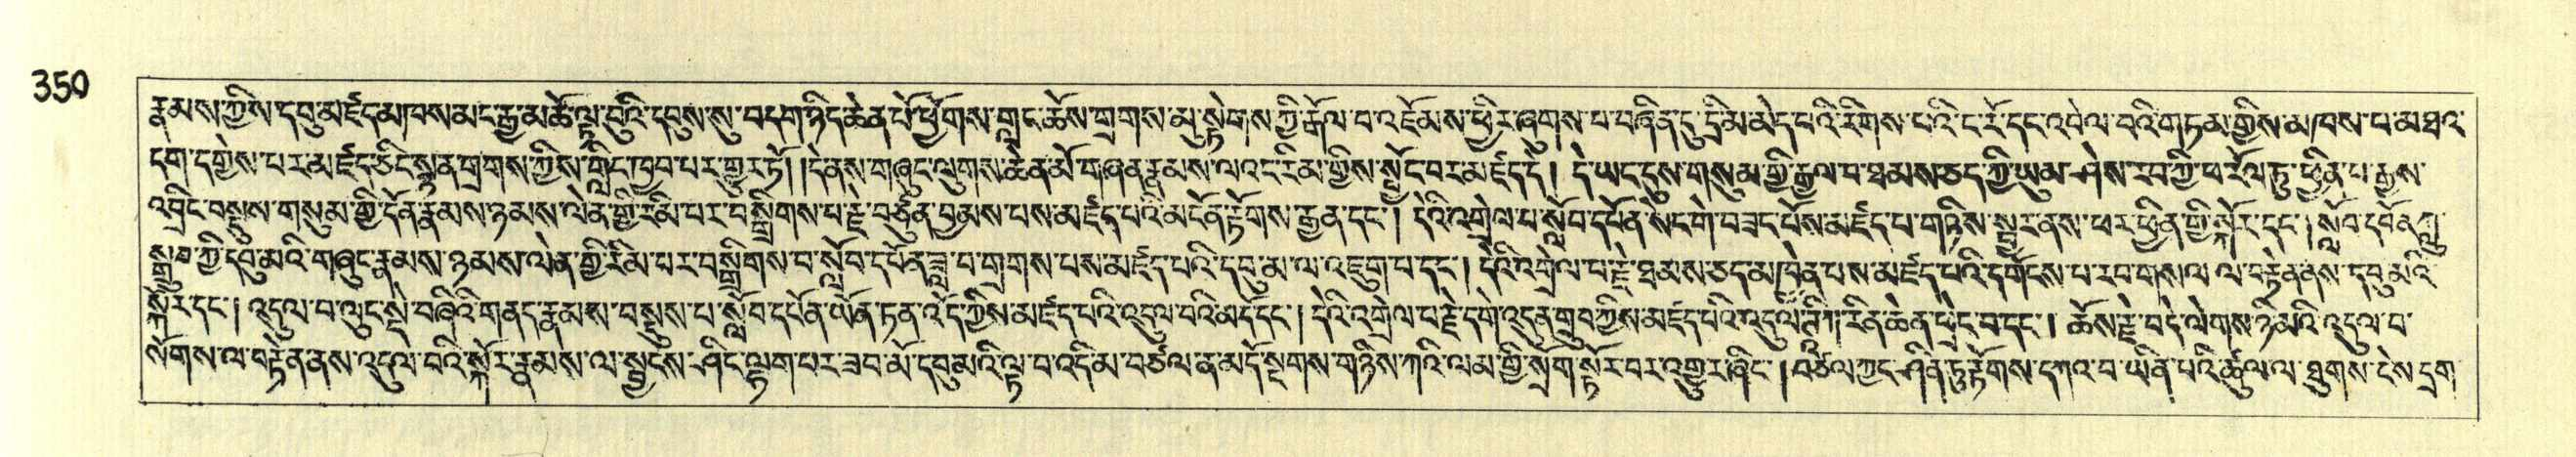རྣམས་ཀྱིས་དབུ་མཛད་མཁས་མང་རྒྱ་མཚོ་ལྟ་བུའི་དབུས་སུ་བདག་ཉིད་ཆེན་པོ་ཕྱོགས་གླང་ཆོས་གྲགས་མུ་སྟེགས་ཀྱི་རྒོལ་བ་འཇོམས་ཕྱིར་ཞུགས་པ་བཞིན་དུ་དྲི་མ་མེད་པའི་རིགས་པའི་ང་རོ་དང་འབེལ་བའི་གཏམ་གྱིས་མཁས་པ་མཐའ་
དགེ་དགྱེས་པར་མཛད་ཅིང་སྙམ་གྲགས་ཀྱིས་གླིང་ཁྱབ་པར་གྱུར་ཏོ། །དེ་ནས་གཞུང་ལུགས་ཆེན་མོ་གཞན་རྣམས་ལའང་རིམ་གྱིས་སྦྱོང་བར་མཛད་དེ། དེ་ཡང་དུས་གསུམ་གྱི་རྒྱལ་བ་ཐམས་ཅད་ཀྱི་ཡུམ་ཤེས་རབ་ཀྱི་ཕ་རོལ་ཏུ་ཕྱིན་པ་རྒྱས་
འབྲིང་བསྡུས་གསུམ་གྱི་དོན་རྣམས་ཉམས་ལེན་གྱི་རིམ་པར་བསྒྲིགས་པ་རྗེ་བཙུན་བྱམས་པས་མཛད་པའི་མངོན་རྟོགས་རྒྱན་དང་། དེའི་འགྲེལ་པ་སློབ་དཔོན་སེང་གེ་བཟང་པོས་མཛད་པ་གཉིས་སྦྱར་ནས་ཕར་ཕྱིན་གྱི་སྐོར་དང་། སློབ་དཔོན་ཀླུ་
སྒྲུབ་ཀྱི་དབུ་མའི་གཞུང་རྣམས་ཉམས་ལེན་གྱི་རིམ་པར་བསྒྲིགས་པ་སློབ་དཔོན་ཟླ་བ་གྲགས་པས་མཛད་པའི་དབུ་མ་ལ་འཇུག་པ་དང་། དེའི་འགྲེལ་པ་རྗེ་ཐམས་ཅད་མཁྱེན་པས་མཛད་པའི་དགོངས་པ་རབ་གསལ་ལ་བརྟེན་ནས་དབུ་མའི་
སྐོར་དང་། འདུལ་བ་ལུང་སྡེ་བཞིའི་གནད་རྣམས་བསྡུས་པ་སློབ་དཔོན་ཡོན་ཏན་འོད་ཀྱིས་མཛད་པའི་འདུལ་བའི་མདོ་དང་། དེའི་འགྲེལ་པ་རྗེ་དགེ་འདུན་གྲུབ་ཀྱིས་མཛད་པའི་འདུལ་ཊཱིཀ་རིན་ཆེན་ཕྲེང་བ་དང་། ཆོས་རྗེ་བདེ་ལེགས་ཉི་མའི་འདུལ་བ་
སོགས་ལ་བརྟེན་ནས་འདུལ་བའི་སྐོར་རྣམས་ལ་སྦྱངས་ཤིང་ལྷག་པར་ཟབ་མོ་དབུ་མའི་ལྟ་བ་འདི་མ་བཙལ་ན་མདོ་སྔགས་གཉིས་ཀའི་ལམ་གྱི་སྲོག་སྟོར་བར་འགྱུར་ཞིང་། བཙལ་ཀྱང་ཤིན་ཏུ་རྟོགས་དཀའ་བ་ཡིན་པའི་ཚུལ་ལ་ཐུགས་ངེས་དྲག་